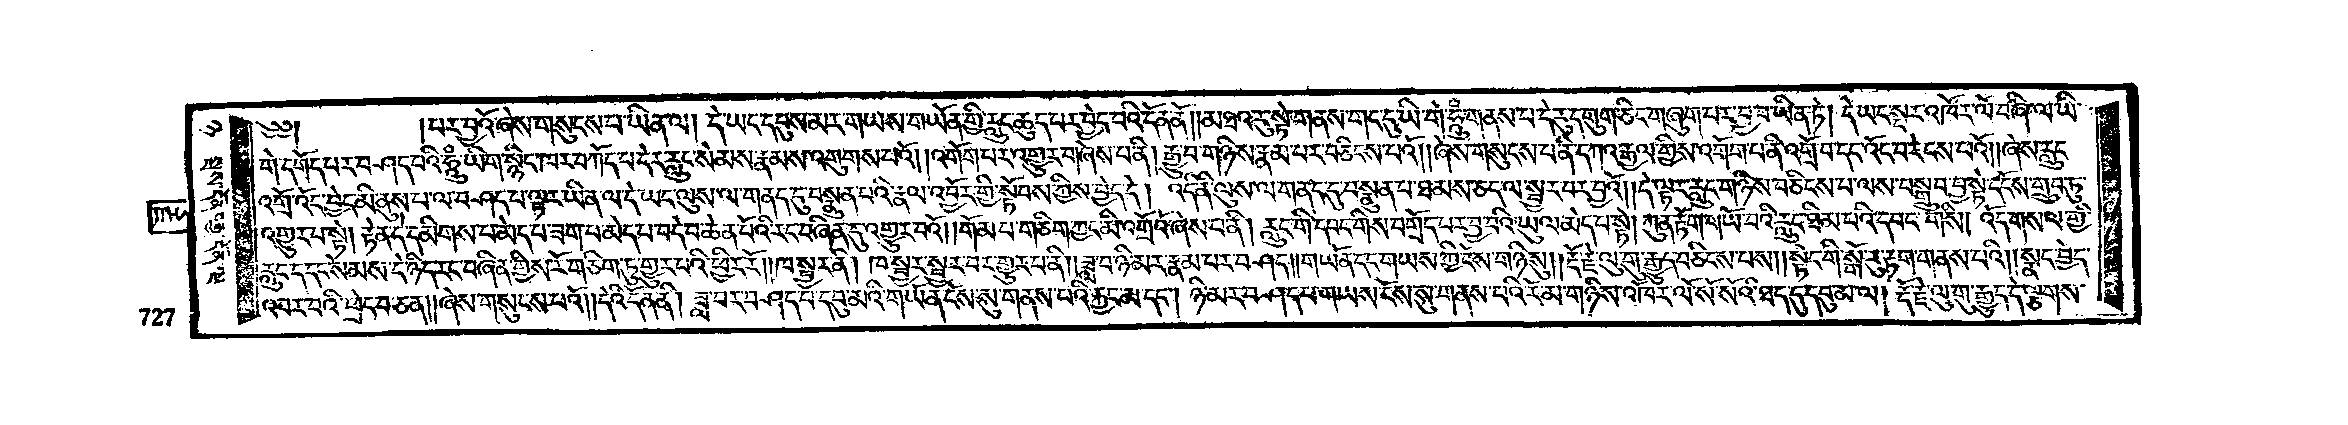༄༅། །པར་བྱའོ་ཞེས་གསུངས་པ་ཡིན་ལ། དེ་ཡང་དབུས་མར་གཡས་གཡོན་གྱི་རླུང་ཆུད་པར་བྱེད་པའི་དོན་ནོ། །མཐའ་རུ་སྟེ་གནས་གང་དུ་ཡི་གེ་ཧཱུཾ་གནས་པ་དེ་རུ་དགུག་ཅིང་གཞུག་པར་བྱ་བ་ཡིན་ཏེ། དེ་ཡང་སྔར་འཁོར་ལོ་བཞི་ལ་ཡི་
གེ་དགོད་པར་བཤད་པའི་ཧཱུཾ་ཡིག་སྙིང་ཁར་བཀོད་པ་དེར་རླུང་སེམས་རྣམས་འགུགས་པའོ། །འགོག་པར་འགྱུར་བ། ཞེས་པ་ནི། རྒྱུ་བ་གཉིས་རྣམ་པར་བཅིངས་པའོ། །ཞེས་གསུངས་པ་ནི་དཀའ་རྒྱལ་གྱིས་འགོག་པ་ནི་འགྲོ་བ་དང་འོང་བ་རེངས་པའོ། །ཞེས་རླུང་
འགྲོ་འོང་བྱེད་མི་ནུས་པ་ལ་བཤད་པ་ལྟར་ཡིན་ལ་དེ་ཡང་ལུས་ལ་གནད་དུ་བསྣུན་པའི་རྣལ་འབྱོར་གྱི་སྟོབས་ཀྱིས་བྱེད་དེ། འདི་ནི་ལུས་ལ་གནད་དུ་བསྣུན་པ་ཐམས་ཅད་ལ་སྦྱར་བར་བྱའོ། །དེ་ལྟར་རླུང་གཉིས་བཅིངས་པ་ལས་བསྒྲུབ་བྱ་སྟེ་དངོས་གྲུབ་ཏུ་
འགྱུར་པ་སྟེ། རྟེན་དེ་དམིགས་པ་མེད་པ་ཟག་པ་མེད་པ་བདེ་བ་ཆེན་པོའི་རང་བཞིན་དུ་འགྱུར་བའོ། །གོམ་པ་གཅིག་ཀྱང་མི་འགྲོའོ་ཞེས་པ་ནི། རླུང་གི་དབང་གིས་བགྲོད་པར་བྱ་བའི་ཡུལ་མེད་པ་སྟེ། ཀུན་རྟོག་གཡོ་བའི་རླུང་ཐིམ་པའི་དབང་གིས། འོད་གསལ་གྱི་
རླུང་དེ་དང་སེམས་དེ་ཉིད་རང་བཞིན་གྱིས་རོ་གཅིག་ཏུ་གྱུར་པའི་ཕྱིར་རོ། །ཁ་སྦྱར་ནི། ཁ་སྦྱར་སྦྱར་བར་གྱུར་པ་ནི། །ཟླ་བ་ཉི་མར་རྣམ་པར་བཤད། །གཡོན་དང་གཡས་ཀྱི་ངོས་གཉིས་སུ། །རྡོ་རྗེ་ལུ་གུ་རྒྱུད་བཅིངས་པས། །སྟེང་གི་སྒོ་རུ་རྟག་གནས་པའི། །སྣང་བྱེད་
འབར་བའི་ཕྲེང་བ་ཅན། །ཞེས་གསུངས་པའོ། །དེའི་དོན་ནི། ཟླ་བར་བཤད་པ་དབུ་མའི་གཡོན་ངོས་སུ་གནས་པའི་རྐྱང་མ་དང་། ཉི་མར་བཤད་པ་གཡས་ངོས་སུ་གནས་པའི་རོ་མ་གཉིས་འཁོར་ལོ་སོ་སོའི་ཐད་དུ་དབུ་མ་ལ། རྡོ་རྗེ་ལུ་གུ་རྒྱུད་དེ་ལྕགས་